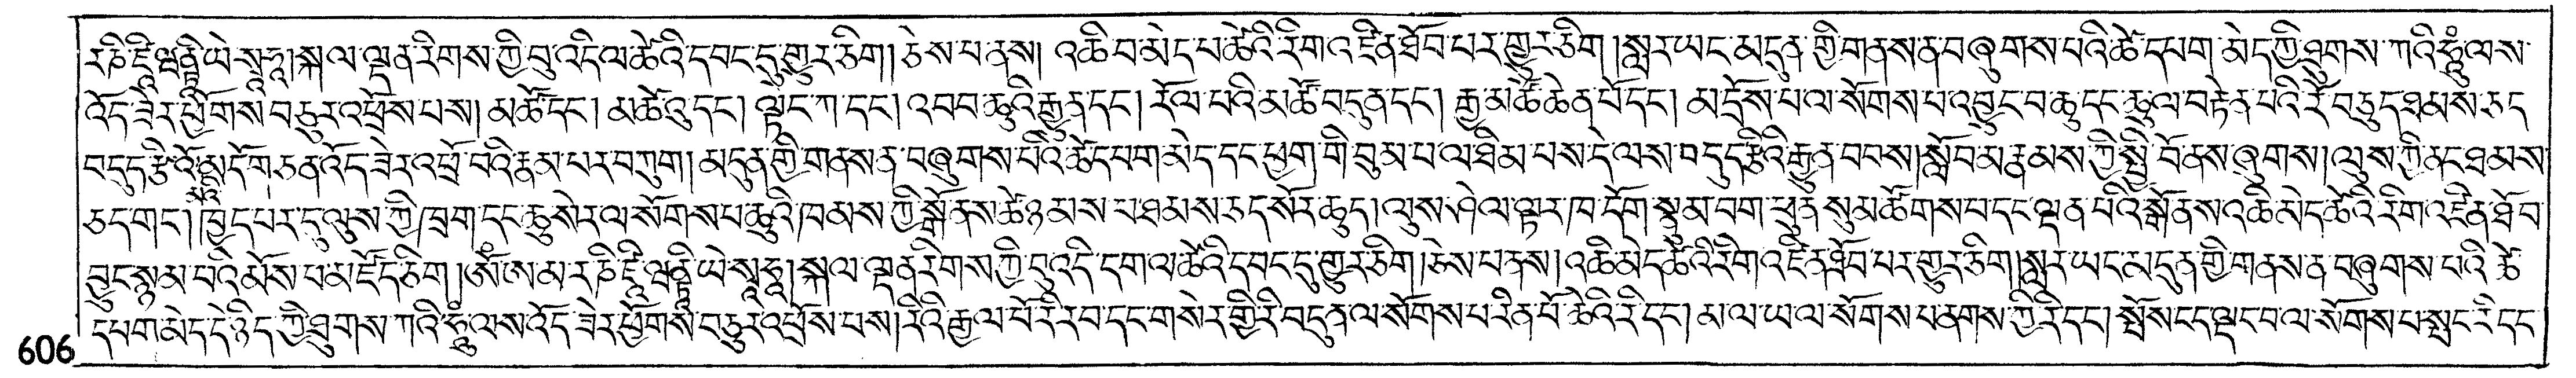རཎི་ཛཱི་ཝནྟཱི་ཡེ་སྭཱ་ཧཱ། སྐལ་ལྡན་རིགས་ཀྱི་བུ་འདི་ལ་ཚེའི་དབང་དུ་གྱུར་ཅིག །ཅེས་པ་ནས། འཆི་བ་མེད་པ་ཚེའི་རིག་འཛིན་ཐོབ་པར་གྱུར་ཅིག །སླར་ཡང་མདུན་གྱི་གནས་ན་བཞུགས་པའི་ཚེ་དཔག་མེད་ཀྱི་ཐུགས་ཀའི་ཧཱུཾ་ལས་
འོད་ཟེར་ཕྱོགས་བཅུར་འཕྲོས་པས། མཚོ་དང་། མཚེ་འུ་དང་། ལྟེང་ཀ་དང་། འབབ་ཆུའི་རྒྱུན་དང་། རོལ་པའི་མཚོ་བདུན་དང་། རྒྱ་མཚོ་ཆེན་པོ་དང་། མ་དྲོས་པ་ལ་སོགས་པ་འབྱུང་བ་ཆུ་དང་ཆུ་ལ་བརྟེན་པའི་རོ་བཅུད་ཐམས་ཅད་
བདུད་རྩི་འོ་མའི་མདོག་ཅན་འོད་ཟེར་འཕྲོ་བའི་རྣམ་པར་བཀུག །མདུན་གྱི་གནས་ན་བཞུགས་པའི་ཚེ་དཔག་མེད་དང་ཕྱག་གི་བུམ་པ་ལ་ཐིམ་པས་དེ་ལས་བདུད་རྩིའི་རྒྱུན་བབས། སློབ་མ་རྣམས་ཀྱི་སྤྱི་བོ་ནས་ཞུགས། ལུས་ཀྱི་ནང་ཐམས་
ཅད་གང་།ཁྱད་པར་དུ་ལུས་ཀྱི་ཁྲག་དང་ཆུ་སེར་ལ་སོགས་པ་ཆུའི་ཁམས་ཀྱི་སྒོ་ནས་ཚེ་ཉམས་པ་ཐམས་ཅད་སོར་ཆུད། ལུས་ཤེལ་ལྟར་ཁ་དོག་སྣུམ་བག་ཕུན་སུམ་ཚོགས་པ་དང་ལྡན་པའི་སྒོ་ནས་འཆི་མེད་ཚེའི་རིག་འཛིན་ཐོབ་
བྱུང་སྙམ་པའི་མོས་པ་མཛོད་ཅིག །ཨོཾ་ཨ་མ་ར་ཎི་ཛཱི་ཝ་ནྟཱི་ཡེ་སྭཱ་ཧཱ། སྐལ་ལྡན་རིགས་ཀྱི་བུ་འདི་དག་ལ་ཚེའི་དབང་དུ་གྱུར་ཅིག །ཅེས་པ་ནས། འཆི་མེད་ཚེའི་རིག་འཛིན་ཐོབ་པར་གྱུར་ཅིག །སླར་ཡང་མདུན་གྱི་གནས་ན་བཞུགས་པའི་ཚེ་
དཔག་མེད་དེ་ཉིད་ཀྱི་ཐུགས་ཀའི་ཧཱུཾ་ལས་འོད་ཟེར་ཕྱོགས་བཅུར་འཕྲོས་པས། རིའི་རྒྱལ་པོ་རི་རབ་དང་གསེར་གྱི་རི་བདུན་ལ་སོགས་པ་རིན་པོ་ཆེའི་རི་དང་། མ་ལ་ཡ་ལ་སོགས་པ་ནགས་ཀྱི་རི་དང་། སྤོས་དང་ལྡང་བ་ལ་སོགས་པ་སྤང་རི་དང་